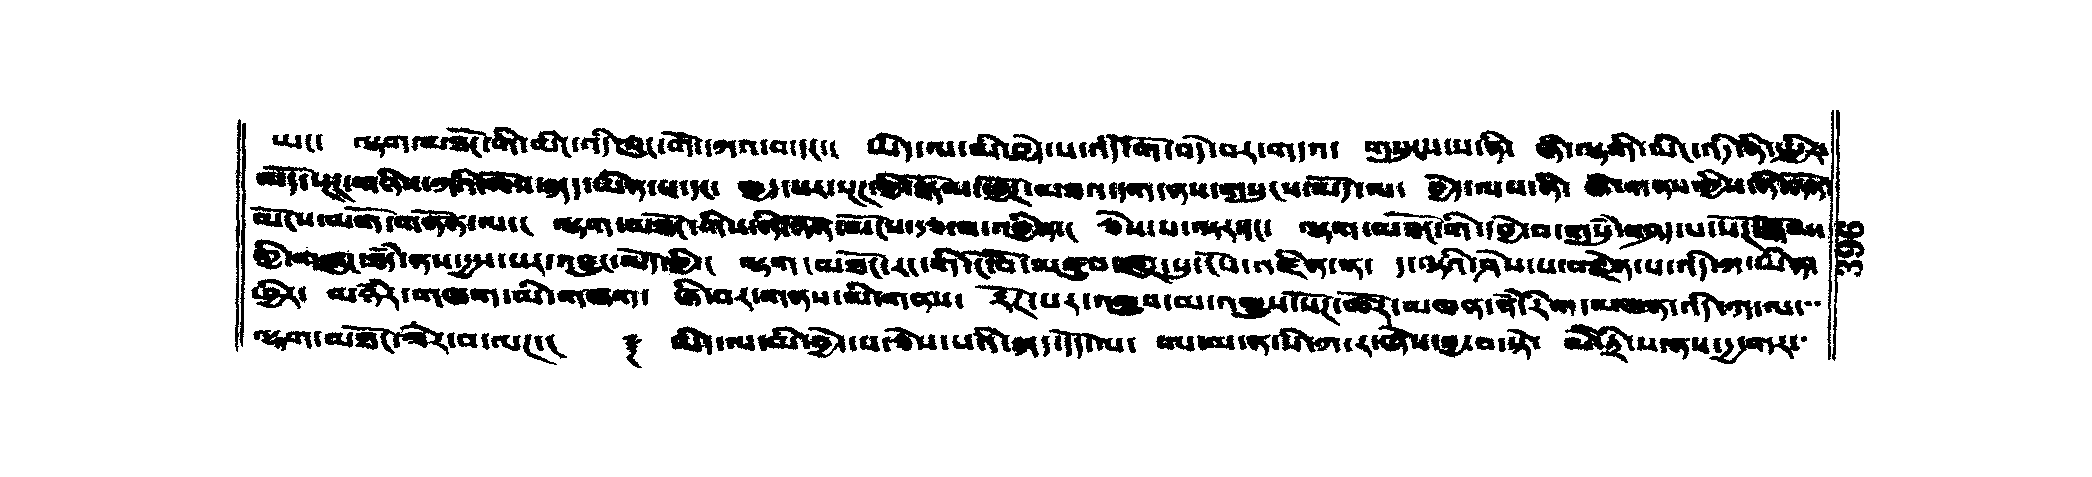ཡང་། ལྷག་མཐོང་གི་མིང་འདི་ཅུང་གོ་དཀའ་བ་དང་། ཡིད་ལ་མི་བྱེད་པ་འདི་གོ་བདེ་བར་གདའ། གསུངས་པ་ནི། ཞི་ལྷག་གི་མིང་འདི་ནི་སྤྱིར་
མདོ་སྔགས་གཉིས་ཀའི་ཆོས་སྐད་ཡིན་པ་དང་། ཁྱད་པར་སྔགས་ཀྱི་སྒོམ་ཕྱོགས་མཐའ་དག་ནས་གསུངས་མོད་ལ། བྱེད་ལས་ནི། ཞི་གནས་ཀྱིས་ནི་ཉོན་
མོངས་མགོ་གནོན་ལ། ལྷག་མཐོང་གིས་ནི་ཉོན་མོངས་རྩ་བ་འབྱིན། ཅེས་པ་ལྟར་དང་། ལྷག་མཐོང་གི་དབྱེ་བ་གསུམ་བཤད་པ་སོགས་སྒོམ་
གྱི་གཞུང་ཐམས་ཅད་ནས་རྒྱས་པར་འབྱུང་མོད་ཀྱི། ལྷག་མཐོང་རང་གི་ངོ་བོ་མཛུབ་ཚུགས་སུ་ངོས་འཛིན་ན། ད་ལྟའི་ཤེས་པ་བརྗེན་པ་འདི་ཀ་ཡིན་
ཕྱིར། མཉམ་པར་གཞག་མ་གཞག ཞི་བར་གནས་མི་གནས། རྟོག་པར་འགྱུས་མ་འགྱུས་སོགས་ཚོར་མཁན་ནམ་རིག་མཁན་འདི་ཀ་ལ་
ལྷག་མཐོང་ཟེར་བ་ལགས། ཡིད་ལ་མི་བྱེད་པ་ཞེས་པའི་སྐད་དོད་ལ། ཨ་མ་ན་སི་ཀ་ར་ཞེས་བྱ་བ་སྟེ། མཻ་ཏྲི་པ་ནས་རྒྱ་གར་